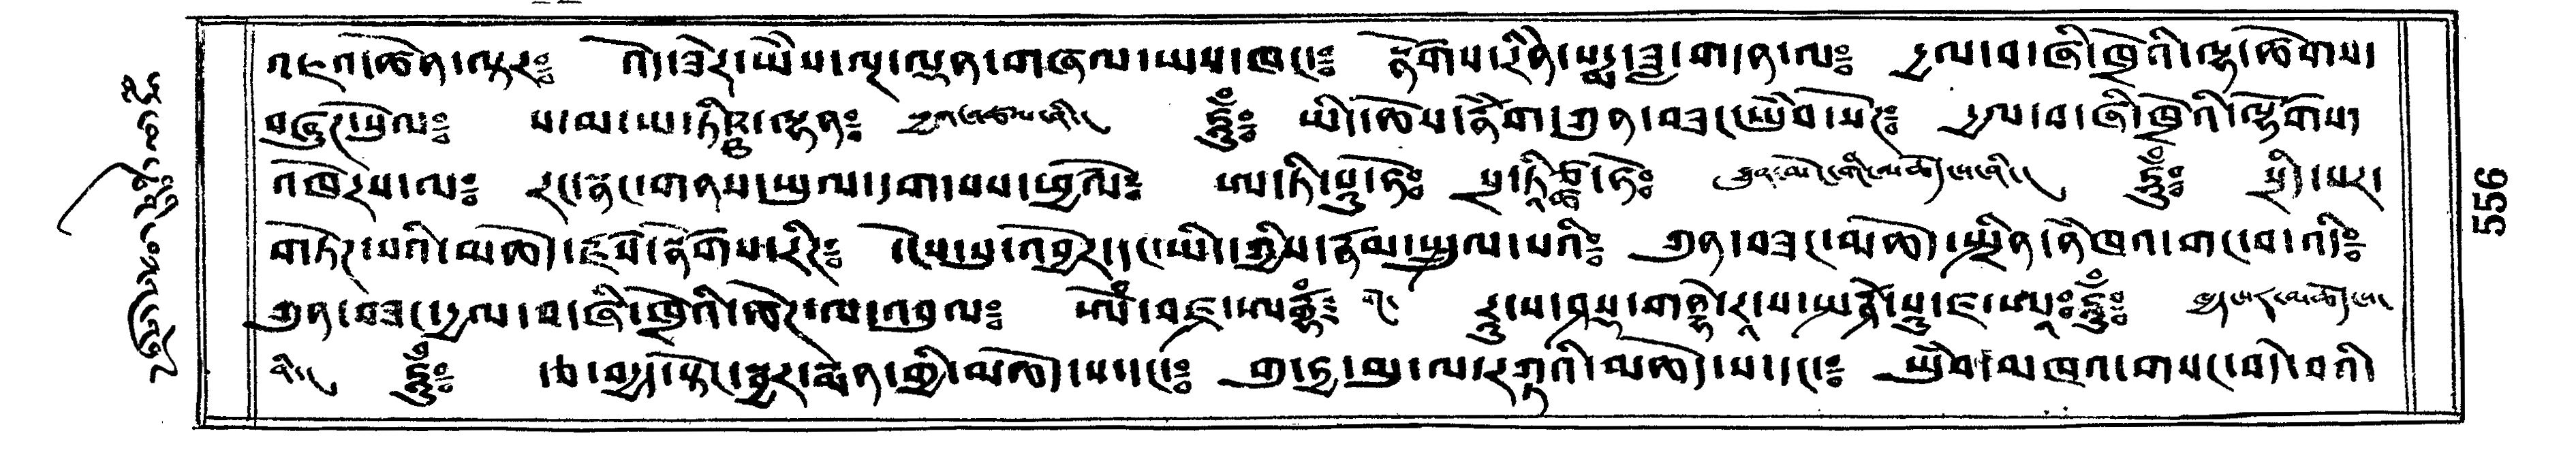འཇའ་ཚོན་ལྟར༔ འོད་ཟེར་ཡེ་ཤེས་ལྔ་ལྡན་གཞལ་ཡས་ཁང༔ སྣ་ཚོགས་རིན་ཆེན་པདྨ་ཟླ་གདན་ལ༔ རྒྱལ་བ་ཞི་ཁྲོའི་ལྷ་ཚོགས་
བཞུགས་སུ་གསོལ༔ ས་མ་ཡ་ཏིཥྛ་ལྷན༔ ཕྱག་འཚལ་ནི། ཧཱུྃ༔ ཡིད་ཆོས་རྣམ་དག་ཀུན་བཟང་ཡབ་ཡུམ་སོགས༔ རྒྱལ་བ་ཞི་ཁྲོའི་ལྷ་ཚོགས་
འཁོར་བཅས་ལ༔ རང་སྣང་གནས་ཡུལ་དག་པས་ཕྱག་འཚལ་ལོ༔ ཨ་ཏི་པཱུ་ཧོ༔ པྲ་ཏཱིཙྪ་ཧོ༔ ཐུན་མོང་གི་མཆོད་པ་ནི། ཧཱུྃ༔ སྲིད་པར་
གཏོགས་པའི་མཆོད་རྫས་སྣ་ཚོགས་རིགས༔ དངོས་སུ་འབྱོར་དང་ཡིད་ཀྱིས་རྣམ་སྤྲུལ་པའི༔ ཀུན་བཟང་མཆོད་སྤྲིན་ནམ་མཁའ་གང་བ་འདི༔ 
ཀུན་བཟང་རྒྱལ་བ་ཞི་ཁྲོའི་ཚོགས་ལ་འབུལ༔ ཨོཾ་བཛྲ་ཨརྒྷཾ༴ སོགས་ནས། རཱུ་པ་ཤཔྡ་གནྡྷེ་རཱ་ས་སྤརྴེ་པཱུ་ཛ་ཨཱཿཧཱུྃ༔ ཁྱད་པར་གྱི་མཆོད་པ་
ནི། ཧཱུྃ༔ རྩ་བརྒྱད་སྟོང་སྦྱར་སྨན་གྱི་མཆོད་པ་དང༔ གུ་ཧྱ་མུ་ལ་རཀྟའི་མཆོད་པ་དང༔ ཡབ་ཡུམ་མཁའ་གསང་བདེ་བའི་